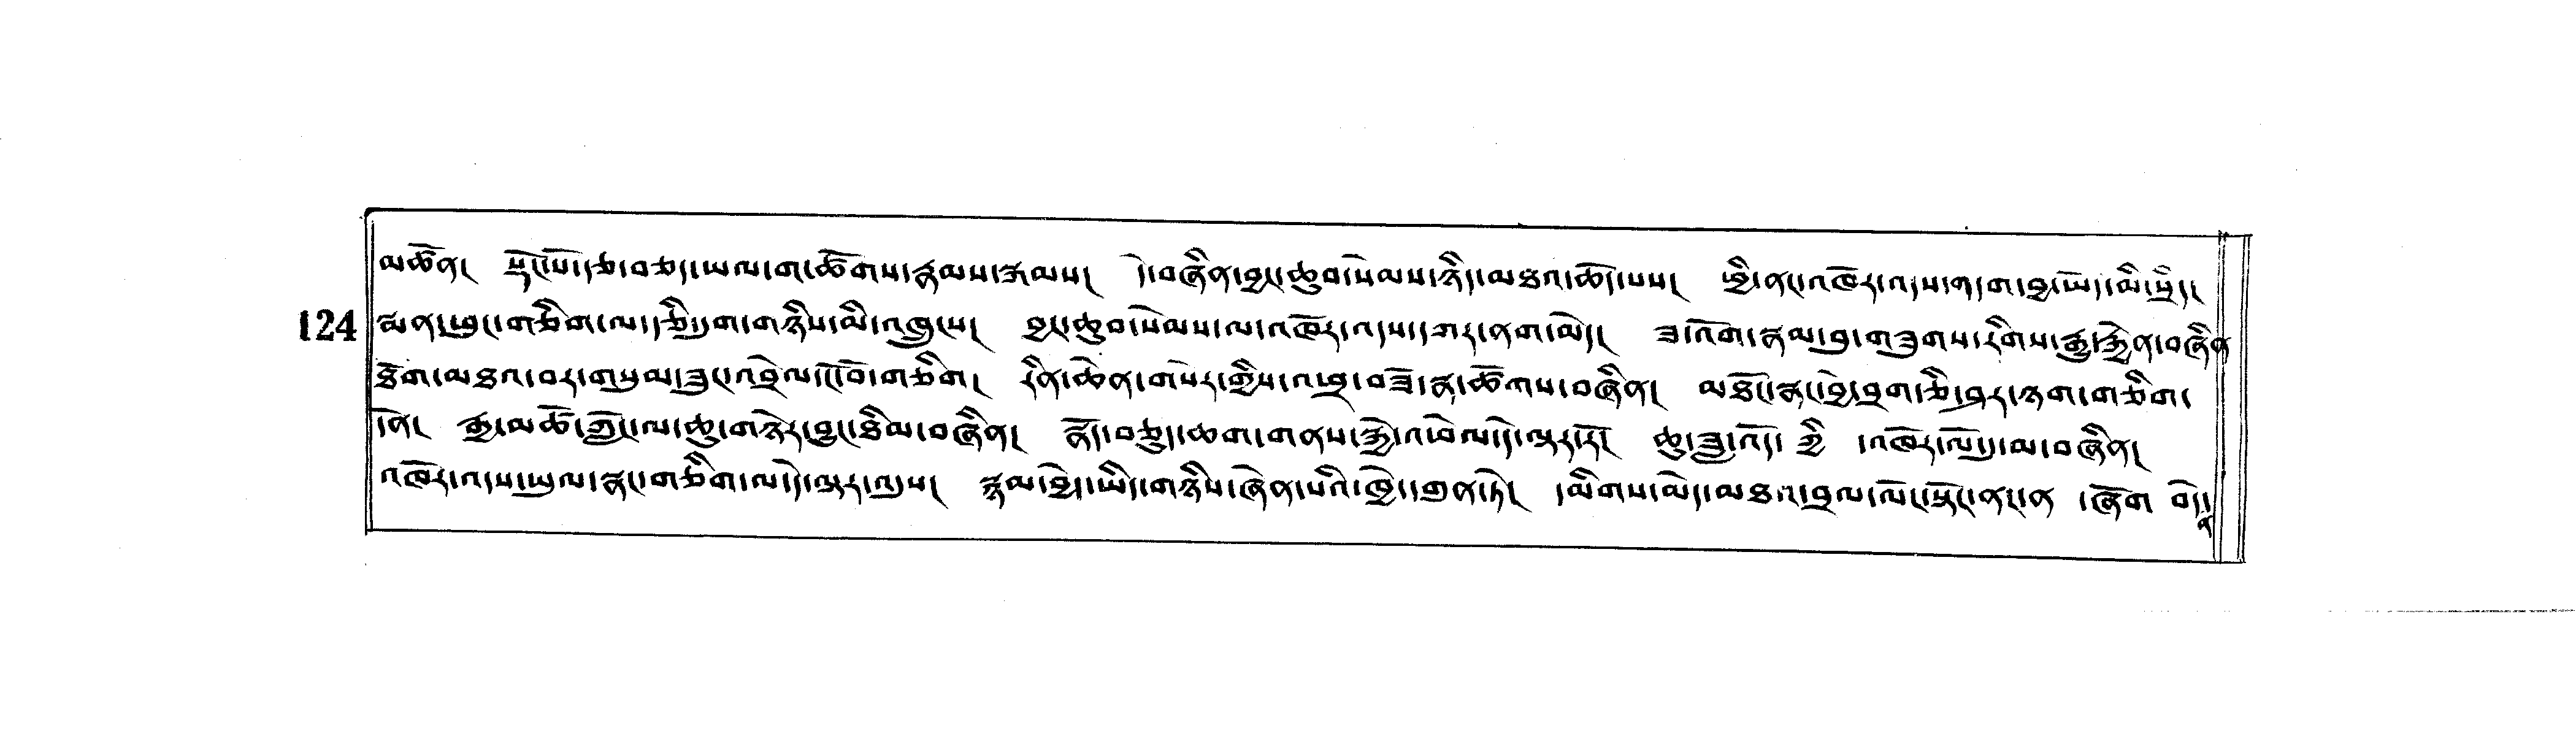མཚོན། སྡོང་པོ་རྩ་བཅད་ཡལ་ག་ཚོགས་རྣམས་སྐམས། དེ་བཞིན་བྱང་ཆུབ་སེམས་ཉིད་མཐའ་ཆོད་པས། ཕྱི་ནང་འཁོར་འདས་གདག་བྱ་ཡོད་མི་སྲིད།
སྨན་ཕུང་གཅིག་ལ་རྩི་དུག་གཉིས་མི་འཁྲུངས། བྱང་ཆུབ་སེམས་ལ་འཁོར་འདས་དཀར་ནག་མེད། ཟ་འོག་སྣམ་བུ་གཟུགས་རིས་རྒྱུ་རྐྱེན་བཞིན། 
ཐོག་མཐའ་བར་གསུམ་ཟུང་འབྲེལ་ངོ་བོ་གཅིག རིན་ཆེན་གསེར་གྱིས་འཕྲ་བཟོ་སྣ་ཚོགས་བཞིན། མཐོང་སྣང་བྱེ་བྲག་ཅི་ཤར་ཉག་ཅིག་
དོན། རྒྱ་མཚོ་ཀློང་ལ་ཆུ་གཉེར་བྱུང་ཐིམ་བཞིན། སྣོད་བཅུད་ཆགས་གནས་སྐྱེ་འཕེལ་དེ་ལྟར་རོ། ཆུ་ཟླ་འོད་ཀྱི་འཁོར་ལོ་དུ་མ་བཞིན། 
འཁོར་འདས་ཡུལ་སྣང་གཅིག་ལ་དེ་ལྟར་འདུས། སྙམ་བྱེད་ཡིད་གཉིོས་ཞེན་པའི་ཆེ་དགུན་ཏེ། དམིགས་མེད་མཐའ་བྲལ་ལོང་སྟོང་ནང་ལ་ཞོག བདེན་